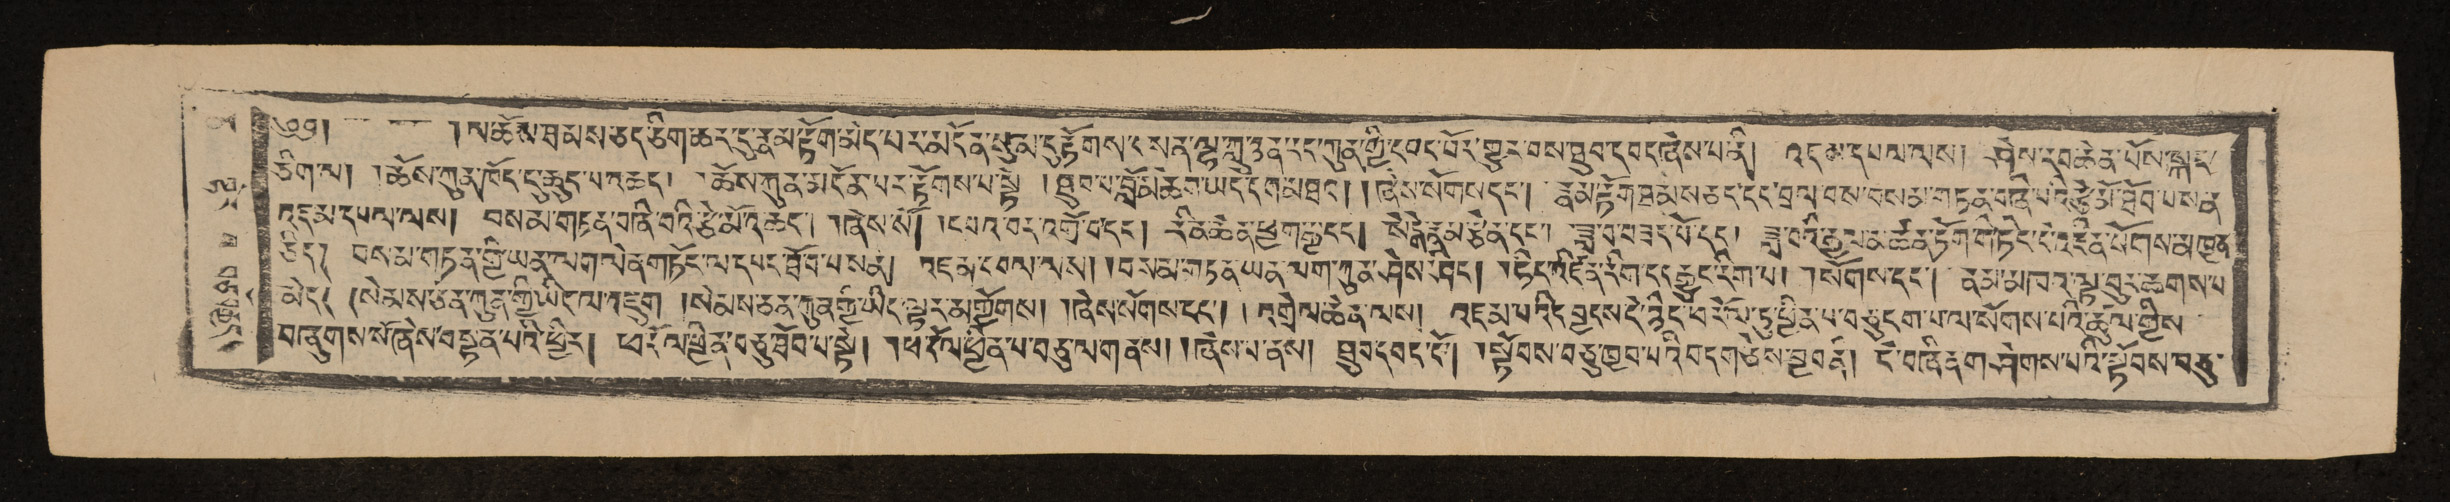༄༅། །ལ་ཆོས་ཐམས་ཅད་ཅིག་ཆར་དུ་རྣམ་རྟོག་མེད་པར་མངོན་སུམ་དུ་རྟོགས་པས་ན་ལྷ་ཀླུ་ཉན་རང་ཀུན་གྱི་དབང་པོར་གྱུར་པས་ཐུབ་དབང་ཞེས་པ་ནི། འཇམ་དཔལ་ལས། ཤེས་རབ་ཆེན་པོས་སྐད་
ཅིག་ལ། །ཆོས་ཀུན་ཁོང་དུ་ཆུད་པ་འཆང་། །ཆོས་ཀུན་མངོན་པར་རྟོགས་པ་སྟེ། །ཐུབ་པ་བློ་མཆོག་ཡང་དག་མཐའ། །ཞེས་སོགས་དང་། རྣམ་རྟོག་ཐམས་ཅད་དང་བྲལ་བས་བསམ་གཏན་བཞི་པའི་རྩེ་མོ་ཐོབ་པས་ན་
འཇམ་དཔལ་ལས། བསམ་གཏན་བཞི་པའི་རྩེ་མོ་འཆང་། །ཞེས་སོ། །དཔའ་བར་འགྲོ་བ་དང་། རིན་ཆེན་ཕྱག་རྒྱ་དང་། སེངྒེ་རྣམ་རྩེན་དང་། ཟླ་བ་བཟང་པོ་དང་། ཟླ་བའི་རྒྱལ་མཚན་ཏོག་གི་ཏིང་ངེ་འཛིན་སོགས་མཁྱེན་
ཅིང༑ བསམ་གཏན་གྱི་ཡན་ལག་ལེན་གཏོང་ལ་དབང་ཐོབ་པས་ན། འཇམ་དཔལ་ལས། བསམ་གཏན་ཡན་ལག་ཀུན་ཤེས་ཤིང་། །ཏིང་འཛིན་རིག་དང་རྒྱུད་རིག་པ། །སོགས་དང་། ནམ་མཁའ་ལྟ་བུར་ཆགས་པ་
མེད༑ ༑སེམས་ཅན་ཀུན་གྱི་ཡིད་ལ་འཇུག །སེམས་ཅན་ཀུན་གྱི་ཡིད་ལྟར་མགྱོགས། །ཞེས་སོགས་དང་། འགྲེལ་ཆེན་ལས། འཇམ་པའི་དབྱངས་དེ་ཉིད་ཕ་རོལ་ཏུ་ཕྱིན་པ་བཅུ་དག་པ་ལ་སོགས་པའི་ཚུལ་གྱིས་
བཞུགས་སོ་ཞེས་བསྟན་པའི་ཕྱིར། ཕ་རོལ་ཕྱིན་བཅུ་ཐོབ་པ་སྟེ། །ཕ་རོལ་ཕྱིན་པ་བཅུ་ལ་གནས། །ཞེས་པ་ནས། ཐུབ་དབང་ངོ། །སྟོབས་བཅུ་ཁྱབ་པའི་བདག་ཅེས་བྱ་བ་ནི། དེ་བཞིན་གཤེགས་པའི་སྟོབས་བཅུ་